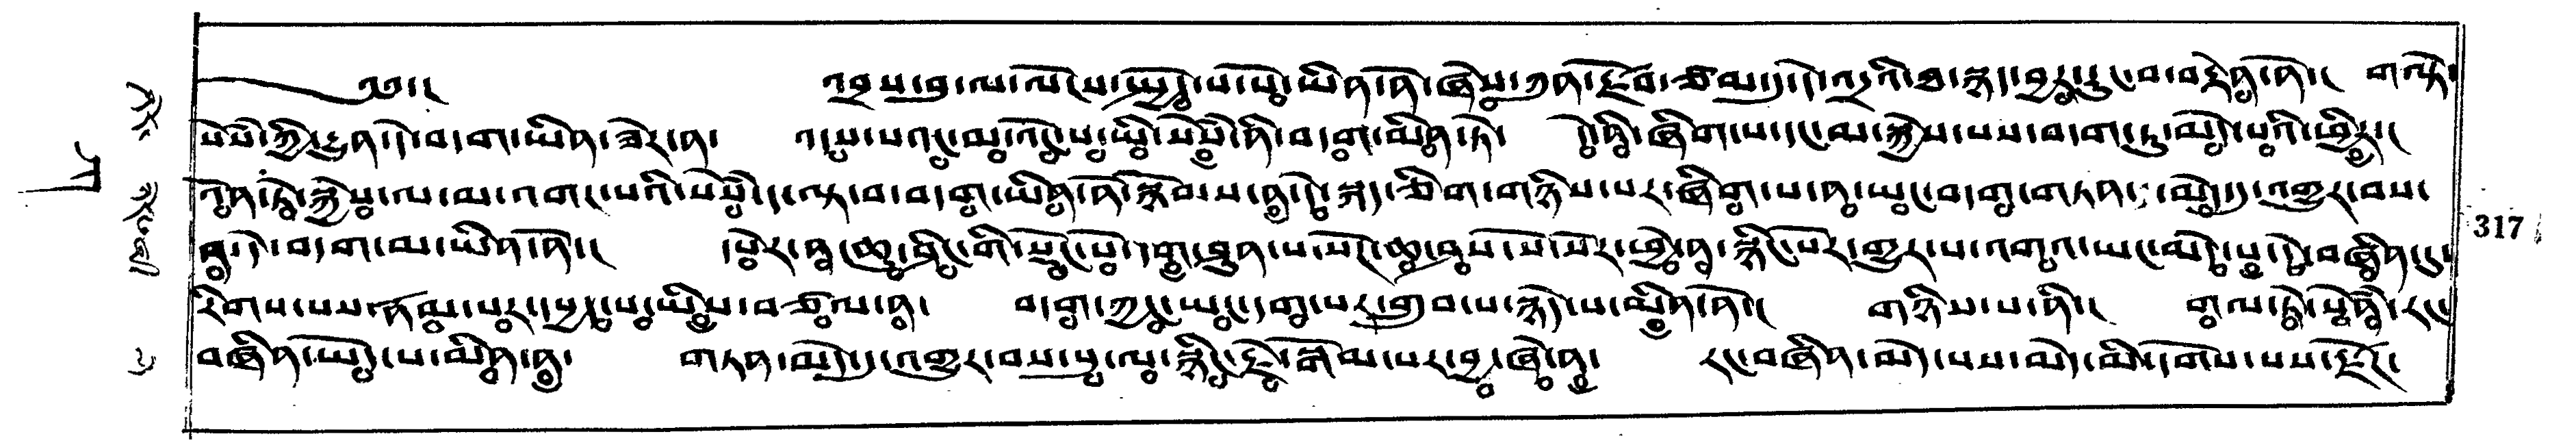འབྲས་བུ་ལ་ལོངས་སྤྱོད་པ་པོ་ཡིན་ནོ་ཞེས་ཀུན་རྫོབ་ཙམ་དུ་དེ་འདྲའི་ཐ་སྙད་བྱར་རུང་བ་བསྟན་ཏོ། གལ་ཏེ་
སེམས་ཀྱི་རྒྱུན་དེ་བདག་ཡིན་ཟེར་ན། འདས་པའང་མ་འོངས་པ་ཡི་སེམས་ནི་བདག་མིན་ཏེ། དེ་ནི་ཞིག་པ་དང་མ་སྐྱེས་པས་བདག་ཏུ་མེད་པའི་ཕྱིར། 
འོན་ཏེ་སྐྱེས་ལ་མ་འགགས་པའི་སེམས་ད་ལྟ་བ་བདག་ཡིན་ནོ་སྙམ་ན་དེ་སྐད་ཅིག་གཉིས་པར་ཞིག་པ་ན་ཡང་བདག་གཏན་མེད་དུ་འགྱུར་བས་
ན་དེ་བདག་མ་ཡིན་ནོ། དཔེར་ན་ཆུ་ཤིང་གི་སྡོང་པོ་དག་ཤུན་པ་སོགས་ཆ་ཤས་སོ་སོར་ཕྱེ་ན་སྙིང་པོར་གྱུར་པ་འགའ་ཡང་མེད་པ་དེ་བཞིན་དུ་
རིགས་པས་རྣམ་པར་དཔྱད་པ་ཡིས་བཙལ་ན། བདག་ཀྱང་ཡང་དག་པར་གྲུབ་པ་རྙེད་པ་མིན་ནོ།། གཉིས་པ་ནི། གལ་ཏེ་སེམས་ཅན་རང་
བཞིན་ཡོད་པ་མིན་ན་གཏན་མེད་དུ་འགྱུར་བས་སུ་ལ་སྙིང་རྗེ་སྒོམ་པར་བྱ་ཞེ་ན།རང་བཞིན་མེད་པས་མེད་མི་དགོས་པས་རྫོགས་